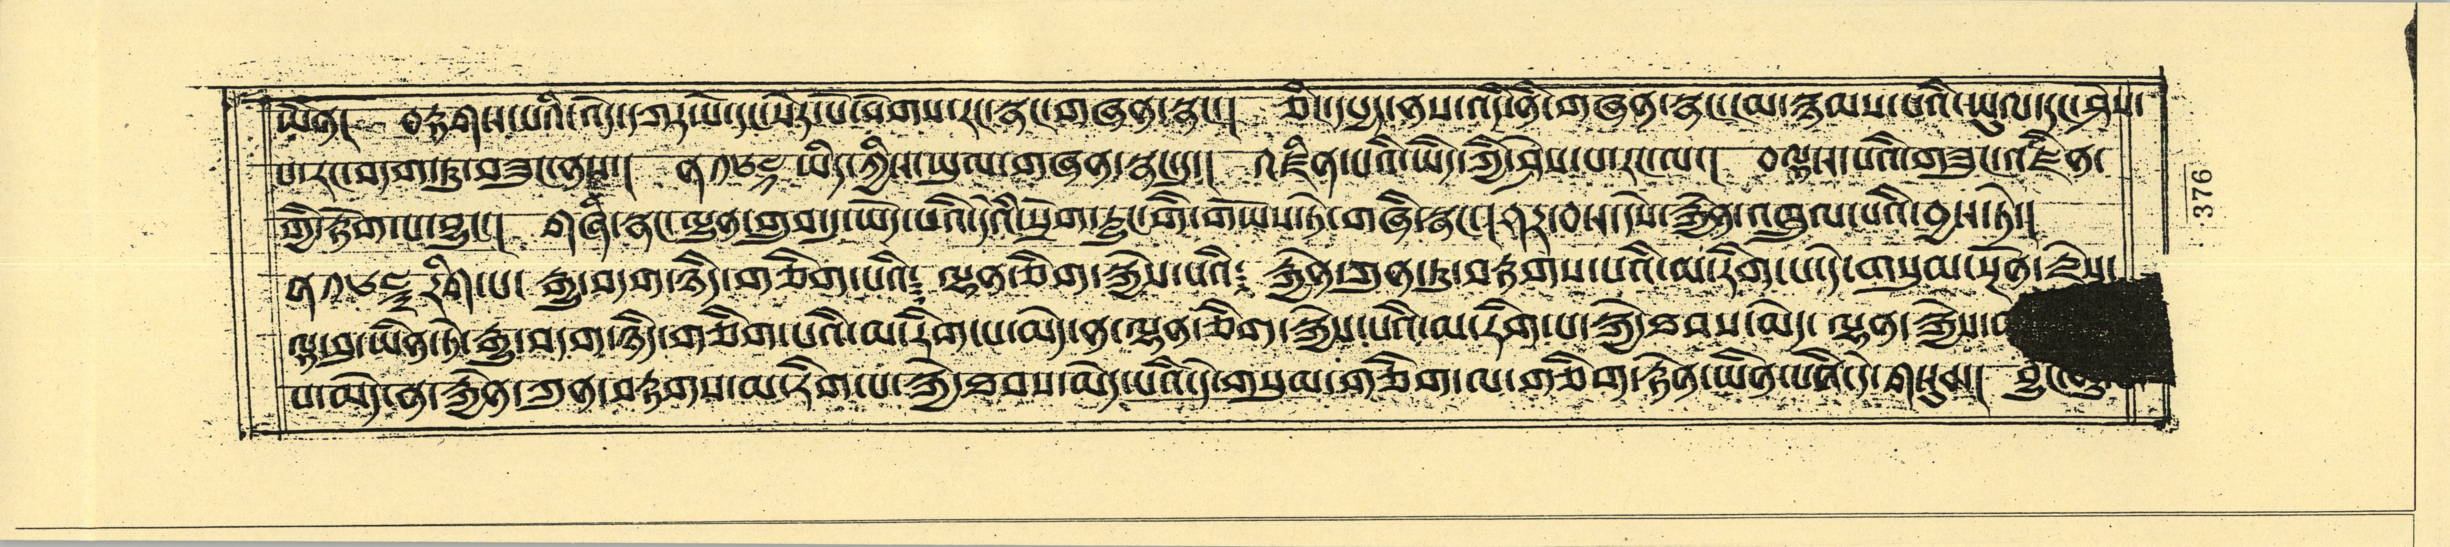ཡིན། ༼བརྟགས་པའི་༽འོད་དཀར་པོ་དང་སེར་པོ་སོགས་རང་སྣང་གཞན་སྣང། ཅིང་དཔྱད་ནས་འདི་ནི་གཞན་སྣང་ངམ་སྙམས་པའི་ ༼ཡུལ་དང་༽ཤེས་
པ་རང་བདག་ཏུ་བཟུང་ནས། ན༡༦༤།༡ ༼ཡིད་ཀྱིས་༽ཡུལ་གཞན་སྣང་དུ། ༼འཛིན་པའི་༽ཡིད་ཀྱི་ཤེས་པ་རང་ལ། ༼བལྟས་༽པའི་གཟུང་འཛིན་
གྱི་རྟོག་པ་བྱུང། ༼གཞི་སྣང་༽ལྷུན་གྲུབ་དུ་ཡོད་པའི་དེའི་སྲོག་རླུང་གི་གཡོས་ཏེ་གཞི་སྣང་ ༼ཤར་བས་༽དེས་རྐྱེན་འཁྲུལ་པའི་ ༼བྱས་ཏེ།༽
ན༡༦༤།༣ ༼རིག་པ་༽རྒྱུ་བདག་ཉིད་གཅིག་པའི་་། ལྷན་ཅིག་སྐྱེས་པའི་་། རྐྱེན་ཀུན་ཏུ་བརྟགས་པའི་མ་རིག་པ་དེ་གསུམ་སྔོན་རྗེས་
ལྟ་བུ་ཡིན་ཏེ་རྒྱུ་བདག་ཉིད་གཅིག་པའི་མ་རིག་པ་མེད་ན་ལྷན་ཅིག་སྐྱེས་པའི་མ་རིག་པ་སྐྱེ་ཐབས་མེད། ལྷན་སྐྱེས་་་་་་་་་་་་་་་་་་
པ་མེད་ན་རྐྱེན་ཀུན་བརྟགས་མ་རིག་པ་སྐྱེ་ཐབས་མེད་པའི་དེ་གསུམ་གཅིག་ལ་གཅིག་རྟེན་ཡིན་པའི་དེ་ ༼གསུམ།༽བྱུང་ཚུལ་